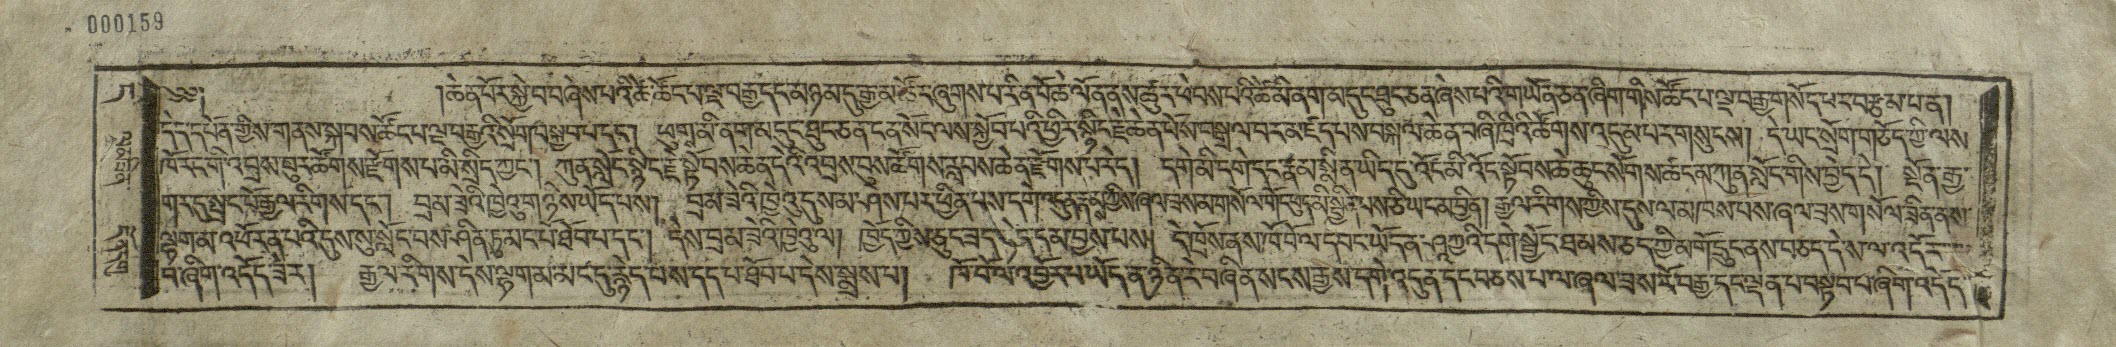༄༅། །ཆེན་པོར་སྐྱེ་བ་བཞེས་པའི་ཚེ་ཚོང་པ་ལྔ་བརྒྱ་དང་མཉམ་དུ་རྒྱ་མཚོར་ཞུགས་པ་རིན་པོ་ཆེ་ལོན་ནས་ཚུར་ཕེབས་པའི་ཚེ་མི་ནག་མདུང་ཐུང་ཅན་ཞེས་པའི་གཡོན་ཅན་ཞིག་གིས་ཚོང་པ་ལྔ་བརྒྱ་གསོད་པར་བརྩམ་པ་ན།
དེད་དཔོན་གྱིས་གནས་སྐབས་ཚོང་པ་ལྔ་བརྒྱའི་སྲོག་བསྐྱབ་པ་དང་། ཕུག་མི་ནག་མདུང་ཐུང་ཅན་ངན་སོང་ལས་སྐྱོབ་པའི་ཕྱིར་སྙིང་རྗེ་ཆེན་པོས་བསྒྲལ་བར་མཛད་པས་བསྐལ་ཆེན་བཞི་ཁྲིའི་ཚོགས་འདུམ་པར་གསུངས། དེ་ཡང་སྲོག་གཅོད་ཀྱི་ལས་
ཁོ་རང་གི་འབྲས་བུར་ཚོགས་རྫོགས་པ་མི་སྲིད་ཀྱང་། ཀུན་སློང་སྙིང་རྗེ་སྟོབས་ཆེན་དེའི་འབྲས་བུས་ཚོགས་རླབས་ཆེན་རྫོགས་པ་རེད། དགེ་མི་དགེ་དང་རྣམ་སྨིན་ཡིད་དུ་འོང་མི་འོང་སྟོབས་ཆེ་ཆུང་སོགས་ཚང་མ་ཀུན་སློང་གིས་བྱེད་དེ། སྔོན་རྒྱ་
གར་དུ་སྤྲང་པོ་རྒྱལ་རིགས་དང་། བྲམ་ཟེའི་ཁྱེའུ་གཉིས་ཡོད་པས། བྲམ་ཟེའི་ཁྱེའུ་དུས་མ་ཤེས་པར་ཕྱིན་པས་དགེ་འདུན་རྣམས་ཀྱིས་ཞལ་ཟས་མ་གསོལ་གོང་ཕུད་མི་སྦྱིན་པས་ཅི་ཡང་མ་བྱིན། རྒྱལ་རིགས་ཀྱིས་དུས་ལ་མཁས་པས་ཞལ་ཟས་གསོལ་ཟིན་ནས་
ལྷག་མ་འཕོ་རན་པའི་དུས་སུ་སློང་བས་ཤིན་ཏུ་མང་པོ་ཐོབ་པ་དང་། དེས་བྲམ་ཟེའི་ཁྱེའུ་ལ། ཁྱོད་ཀྱིས་ཅུང་ཟད་རྙེད་དམ་བྱས་པས། དེ་ཁྲོས་ནས་ཁོ་བོ་ལ་དབང་ཡོད་ན་ཤཱཀྱའི་དགེ་སྦྱོང་ཐམས་ཅད་ཀྱི་མགོ་དྲུང་ནས་བཅད་དེ་ས་ལ་འདོར་
བ་ཞིག་འདོད་ཟེར། རྒྱལ་རིགས་དེས་ལྷག་མ་མང་དུ་རྙེད་པས་དད་པ་ཐོབ་པ་དེས་སྨྲས་པ། ཁོ་བོ་ལ་འབྱོར་པ་ཡོད་ན་ཉིན་རེ་བཞིན་སངས་རྒྱས་དགེ་འདུན་དང་བཅས་པ་ལ་ཞལ་ཟས་རོ་བརྒྱ་དང་ལྡན་པ་བསྟབ་པ་ཞིག་འདོད་